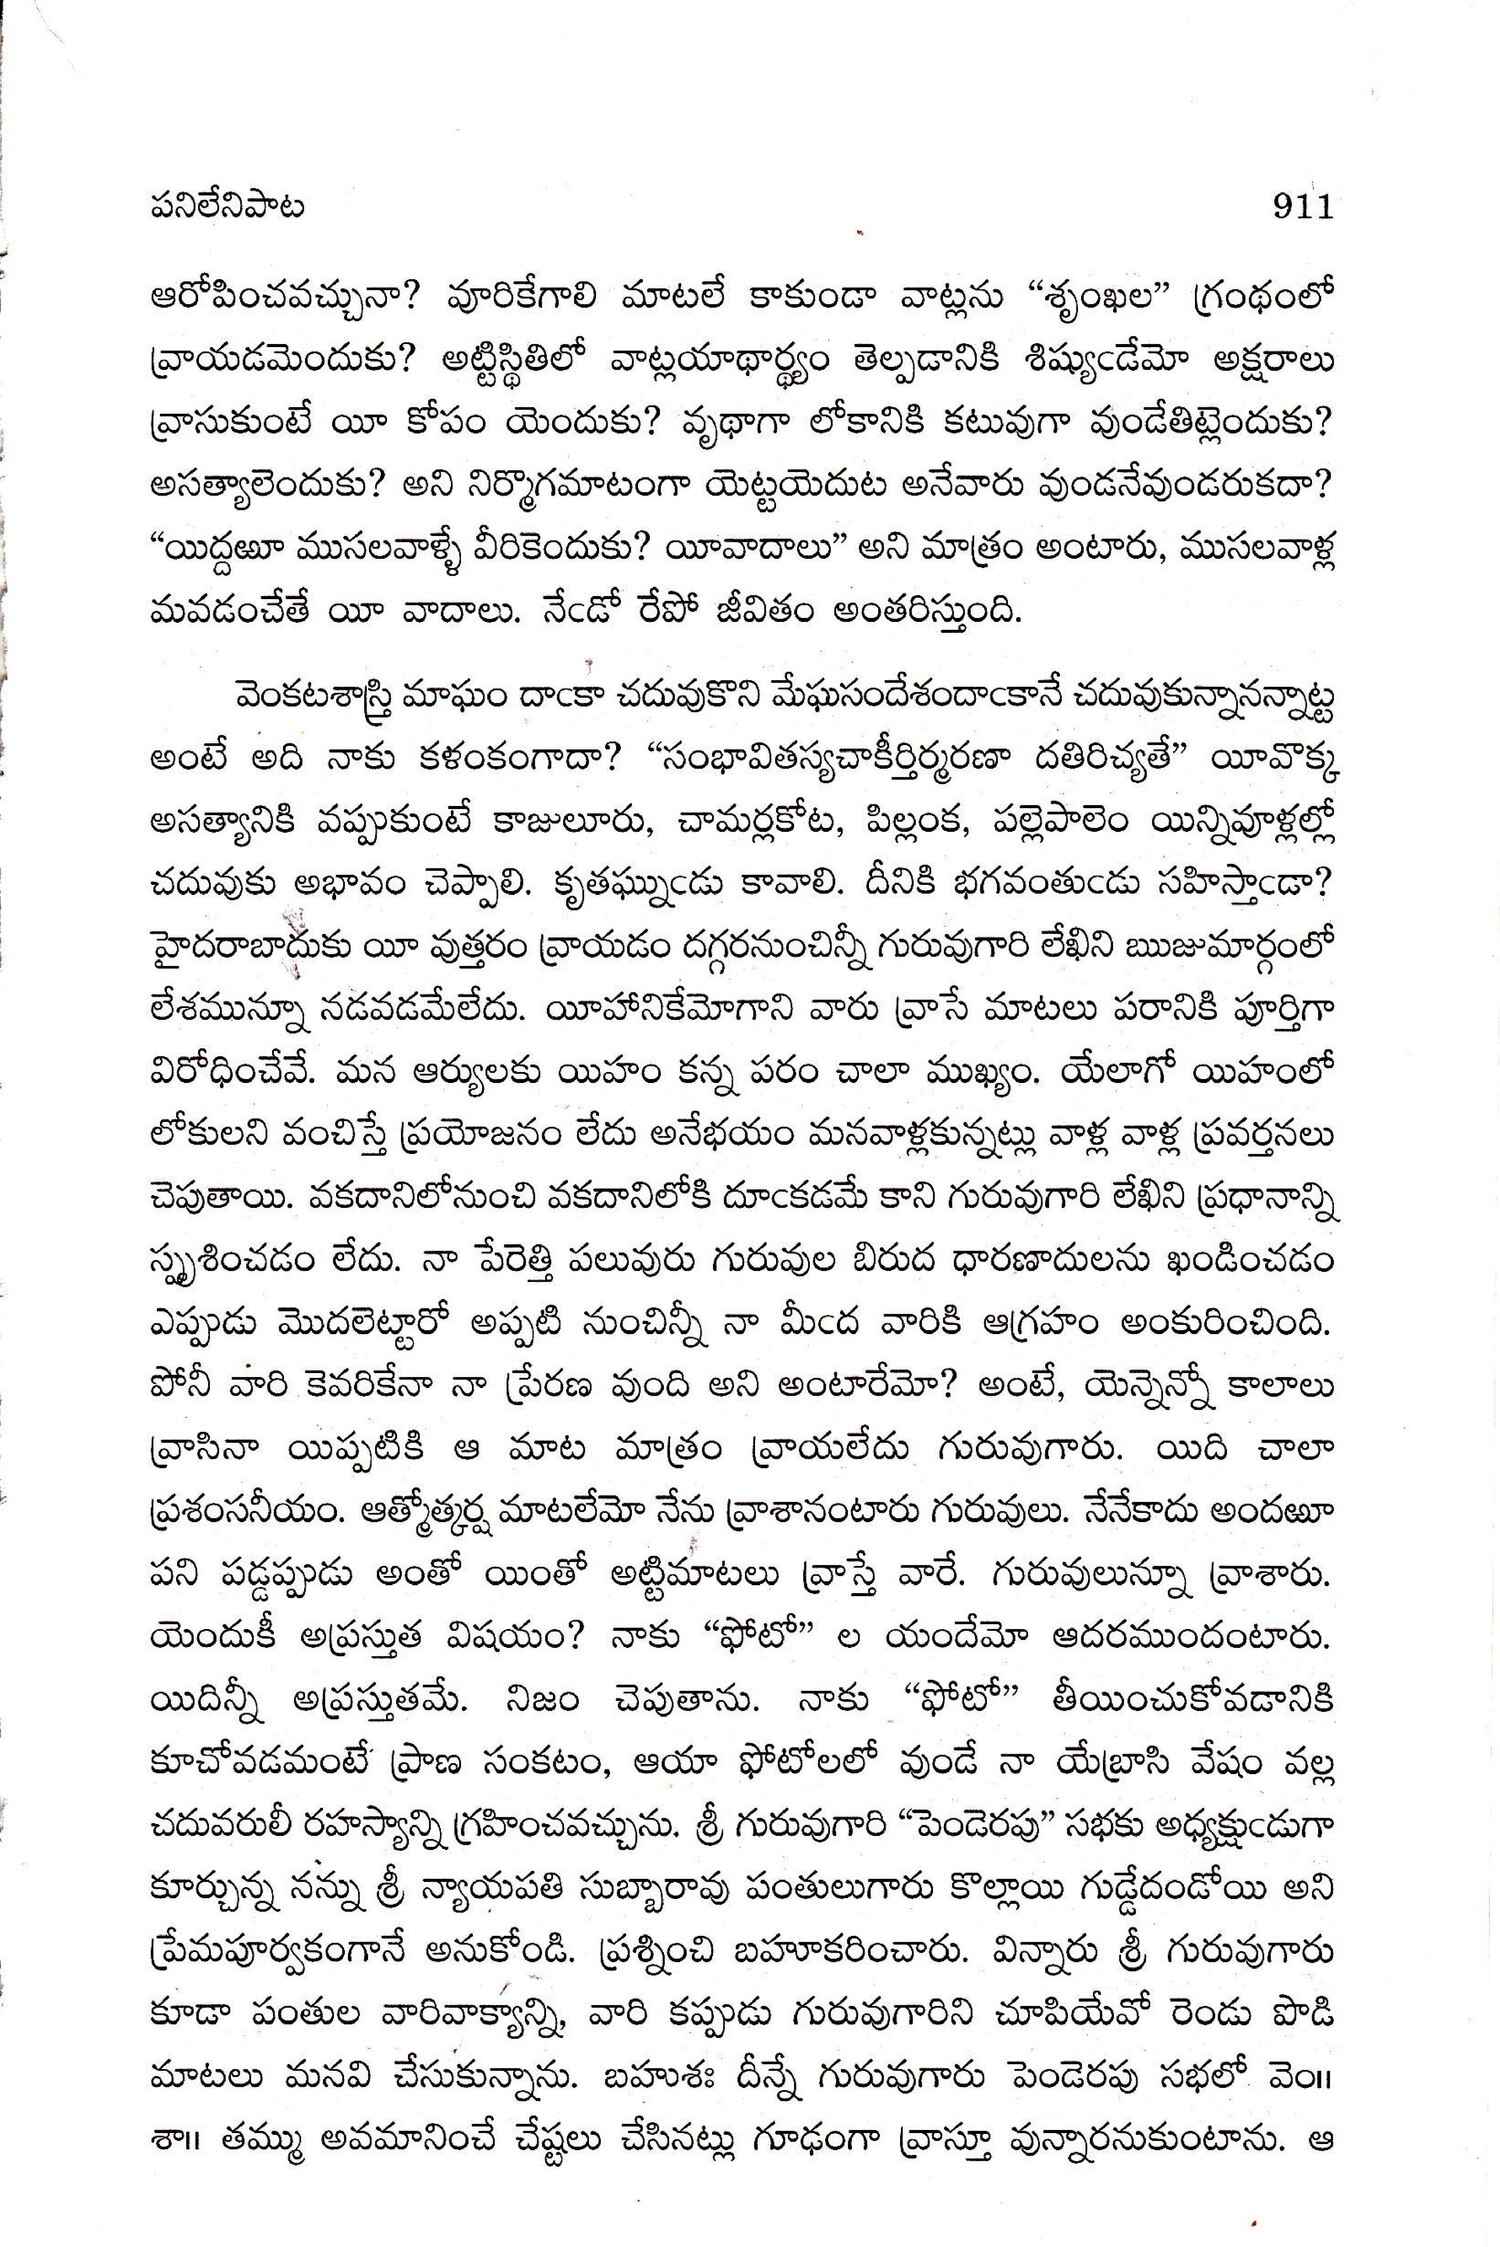ఆరోపించవచ్చునా? వూరికేగాలి మాటలే కాకుండా వాట్లను "శృంఖల” గ్రంథంలో వ్రాయడమెందుకు? అట్టిస్థితిలో వాట్లయాథార్థ్యం తెల్పడానికి శిష్యుఁడేమో అక్షరాలు వ్రాసుకుంటే యీ కోపం యెందుకు? వృథాగా లోకానికి కటువుగా వుండేతిట్లేందుకు? అసత్యాలెందుకు? అని నిర్మొగమాటంగా యెట్టయెదుట అనేవారు వుండనేవుండరుకదా? “యిద్దఱూ ముసలవాళ్ళే వీరికెందుకు? యీవాదాలు” అని మాత్రం అంటారు, ముసలవాళ్ల మవడంచేతే యీ వాదాలు. నేఁడో రేపో జీవితం అంతరిస్తుంది.

వెంకటశాస్త్రి మాఘం దాకా చదువుకొని మేఘసందేశందాఁకానే చదువుకున్నానన్నాట్ట అంటే అది నాకు కళంకంగాదా? “సంభావితస్యచాకీర్తిర్మరణా దతిరిచ్యతే" యీవొక్క అసత్యానికి వప్పుకుంటే కాజులూరు, చామర్లకోట, పిల్లంక, పల్లెపాలెం యిన్నివూళ్లల్లో చదువుకు అభావం చెప్పాలి. కృతఘ్నుఁడు కావాలి. దీనికి భగవంతుఁడు సహిస్తాఁడా? హైదరాబాదుకు యీ వుత్తరం వ్రాయడం దగ్గరనుంచిన్నీ గురువుగారి లేఖిని ఋజుమార్గంలో లేశమున్నూ నడవడమేలేదు. యీహానికేమోగాని వారు వ్రాసే మాటలు పరానికి పూర్తిగా విరోధించేవే. మన ఆర్యులకు యిహం కన్న పరం చాలా ముఖ్యం. యేలాగో యిహంలో లోకులని వంచిస్తే ప్రయోజనం లేదు అనేభయం మనవాళ్లకున్నట్లు వాళ్ల వాళ్ల ప్రవర్తనలు చెపుతాయి. వకదానిలోనుంచి వకదానిలోకి దూఁకడమే కాని గురువుగారి లేఖిని ప్రధానాన్ని స్పృశించడం లేదు. నా పేరెత్తి పలువురు గురువుల బిరుద ధారణాదులను ఖండించడం ఎప్పుడు మొదలెట్టారో అప్పటి నుంచిన్నీ నా మీఁద వారికి ఆగ్రహం అంకురించింది. పోనీ వారి కెవరికేనా నా ప్రేరణ వుంది అని అంటారేమో? అంటే, యెన్నెన్నో కాలాలు వ్రాసినా యిప్పటికి ఆ మాట మాత్రం వ్రాయలేదు గురువుగారు. యిది చాలా ప్రశంసనీయం. ఆత్మోత్కర్ష మాటలేమో నేను వ్రాశానంటారు గురువులు. నేనేకాదు అందఱూ పని పడ్డప్పుడు అంతో యింతో అట్టిమాటలు వ్రాస్తే వారే. గురువులున్నూ వ్రాశారు. యెందుకీ అప్రస్తుత విషయం? నాకు “ఫోటో" ల యందేమో ఆదరముందంటారు. యిదిన్నీ అప్రస్తుతమే. నిజం చెపుతాను. నాకు “ఫోటో" తీయించుకోవడానికి కూచోవడమంటే ప్రాణ సంకటం, ఆయా ఫోటోలలో వుండే నా యేబ్రాసి వేషం వల్ల చదువరులీ రహస్యాన్ని గ్రహించవచ్చును. శ్రీ గురువుగారి "పెండెరపు" సభకు అధ్యక్షుఁడుగా కూర్చున్న నన్ను శ్రీ న్యాయపతి సుబ్బారావు పంతులుగారు కొల్లాయి గుడ్డేదండోయి అని ప్రేమపూర్వకంగానే అనుకోండి. ప్రశ్నించి బహూకరించారు. విన్నారు శ్రీ గురువుగారు కూడా పంతుల వారివాక్యాన్ని వారి కప్పుడు గురువుగారిని చూపియేవో రెండు పొడి మాటలు మనవి చేసుకున్నాను. బహుశః దీన్నే గురువుగారు పెండెరపు సభలో వెం|| శాII తమ్ము అవమానించే చేష్టలు చేసినట్లు గూఢంగా వ్రాస్తూ వున్నారనుకుంటాను. ఆ